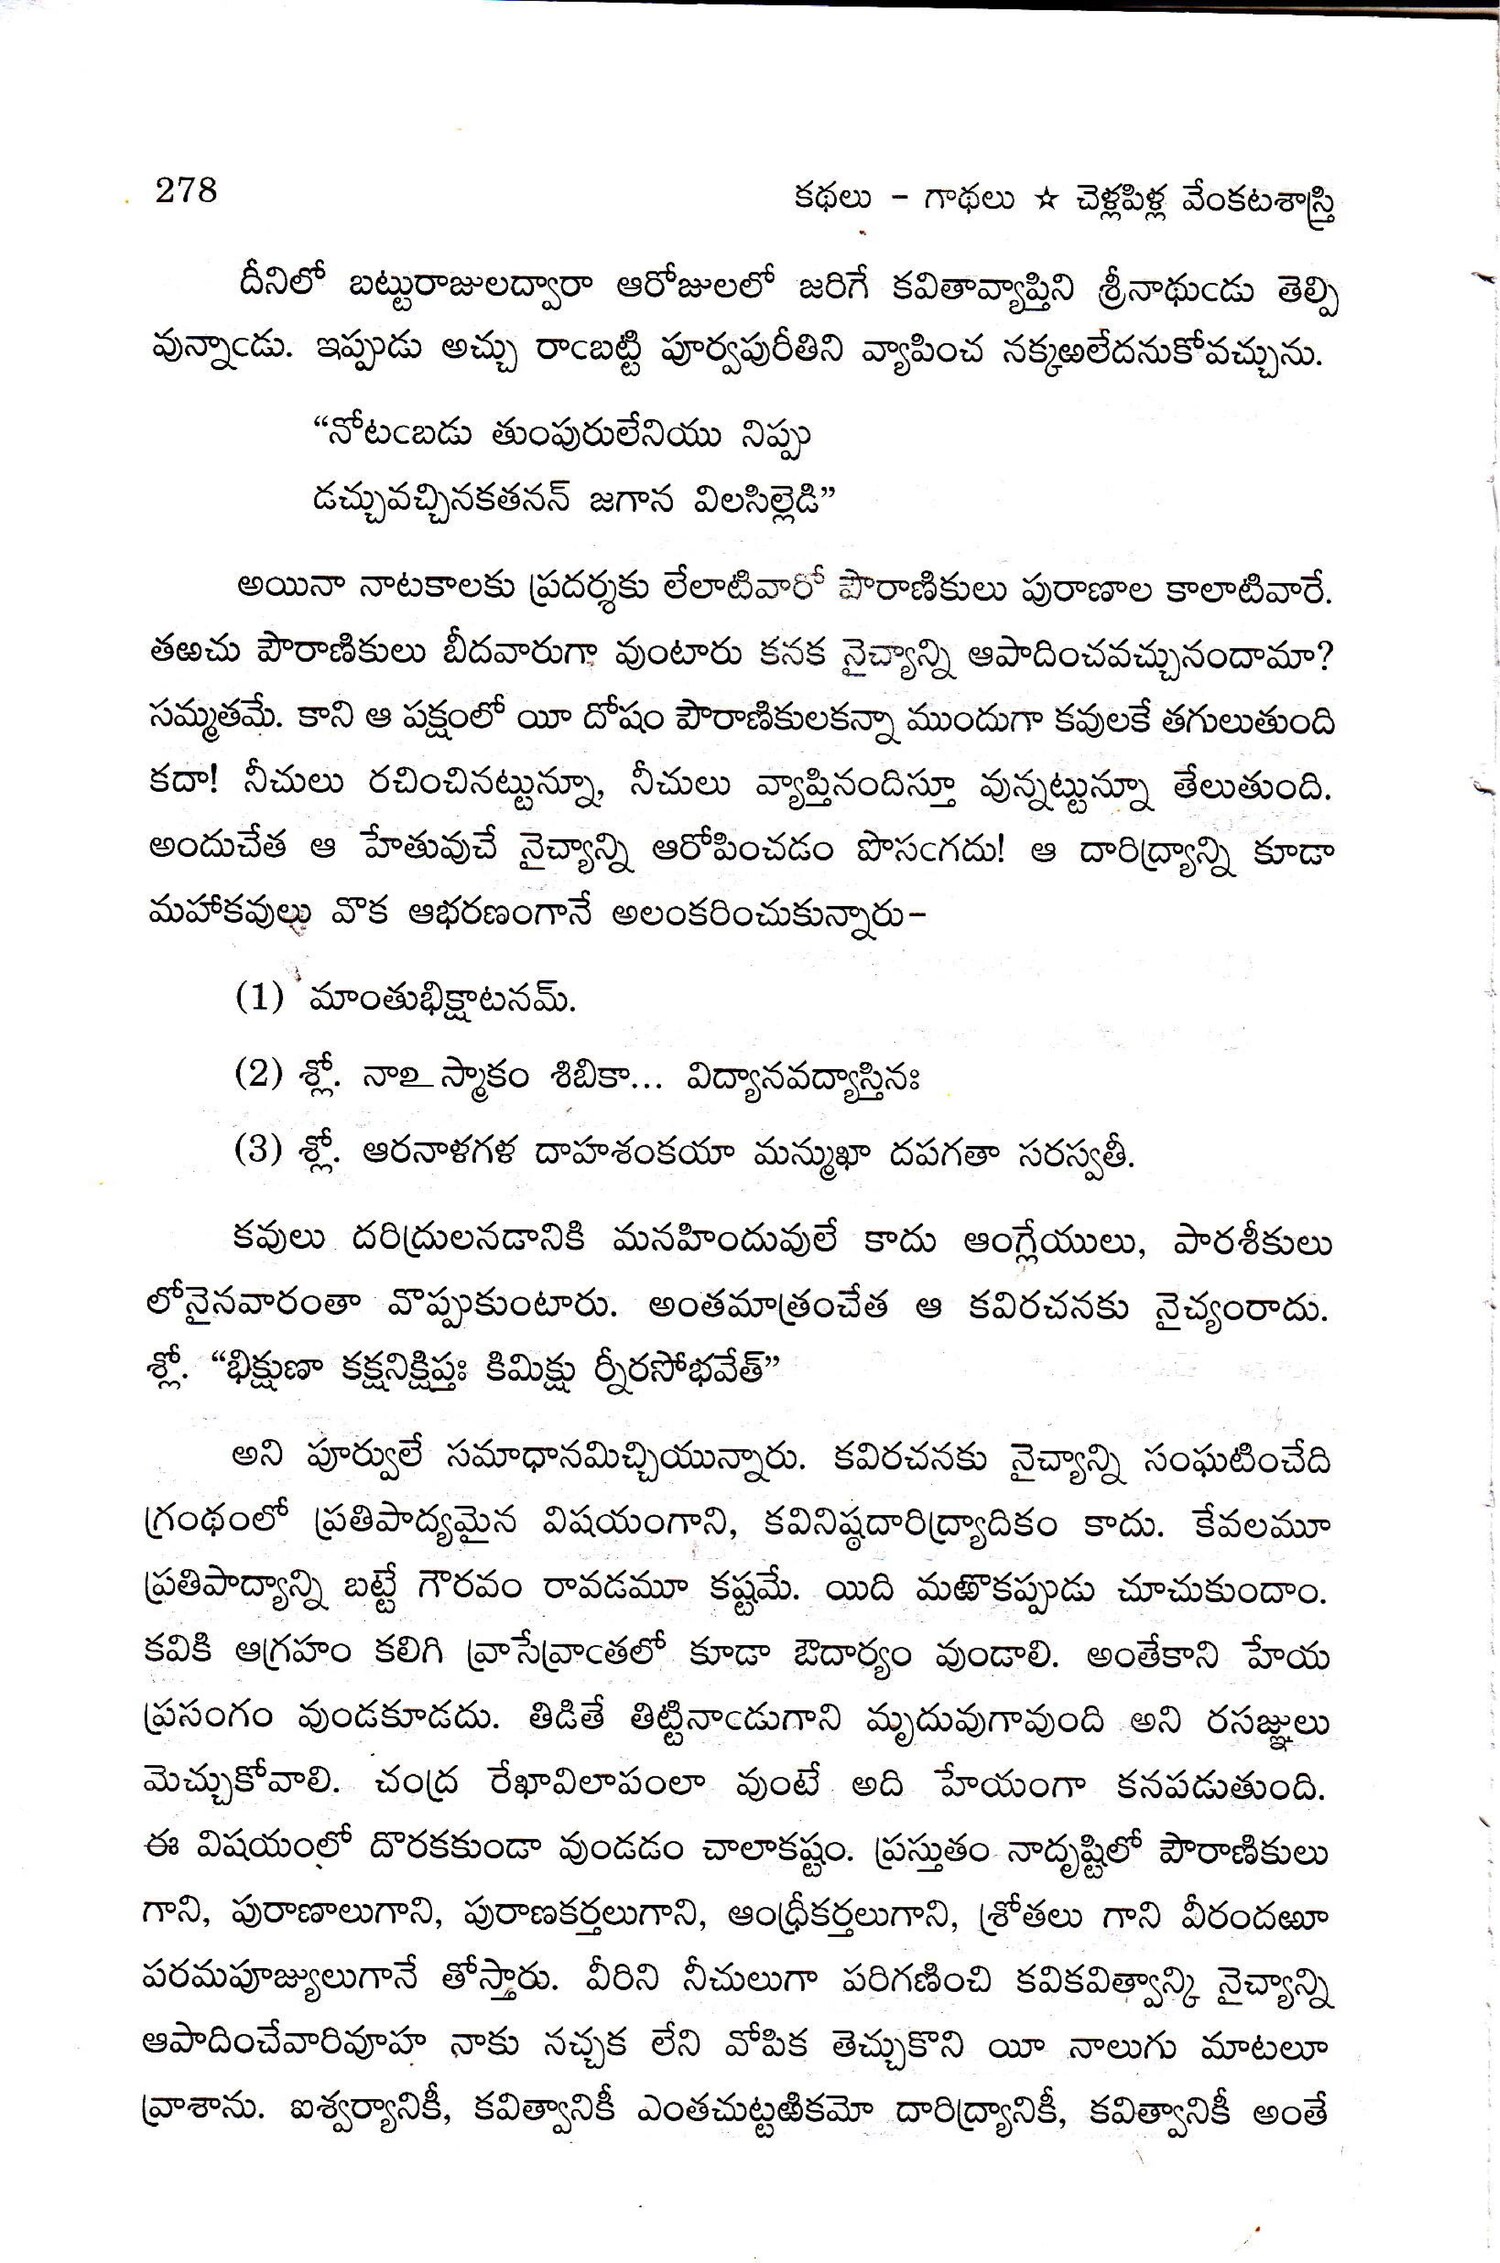దీనిలో బట్టురాజులద్వారా ఆరోజులలో జరిగే కవితావ్యాప్తిని శ్రీనాథుఁడు తెల్పివున్నాండు. ఇప్పుడు అచ్చు రాఁబట్టి పూర్వపురీతిని వ్యాపించ నక్కఱలేదనుకోవచ్చును.

“నోటఁబడు తుంపురులేనియు నిప్పు 
 డచ్చువచ్చినకతనన్ జగాన విలసిల్లెడి"
అయినా నాటకాలకు ప్రదర్శకు లేలాటివారో పౌరాణికులు పురాణాల కాలాటివారే. తఱచు పౌరాణికులు బీదవారుగా వుంటారు కనక నైచ్యాన్ని ఆపాదించవచ్చునందామా? సమ్మతమే. కాని ఆ పక్షంలో యీ దోషం పౌరాణికులకన్నా ముందుగా కవులకే తగులుతుంది కదా! నీచులు రచించినట్టున్నూ, నీచులు వ్యాప్తినందిస్తూ వున్నట్టున్నూ తేలుతుంది. అందుచేత ఆ హేతువుచే నైచ్యాన్ని ఆరోపించడం పొసఁగదు! ఆ దారిద్ర్యాన్ని కూడా మహాకవులు వొక ఆభరణంగానే అలంకరించుకున్నారు

(1) మాంతుభిక్షాటనమ్. 

(2) శ్లో. నా౽స్మాకం శిబికా... విద్యానవద్యాస్తినః 

(3) శ్లో. ఆరనాళగళ దాహశంకయా మన్ముఖా దపగతా సరస్వతీ.

కవులు దరిద్రులనడానికి మనహిందువులే కాదు ఆంగ్లేయులు, పారశీకులు లోనైనవారంతా వొప్పుకుంటారు. అంతమాత్రంచేత ఆ కవిరచనకు నైచ్యంరాదు. శ్లో. “భిక్షుణా కక్షనిక్షిప్తః కిమిక్షు ర్నీరసోభవేత్" -

అని పూర్వలే సమాధానమిచ్చియున్నారు. కవిరచనకు నైచ్యాన్ని సంఘటించేది గ్రంథంలో ప్రతిపాద్యమైన విషయంగాని, కవినిష్ఠదారిద్ర్యాదికం కాదు. కేవలమూ ప్రతిపాద్యాన్ని బట్టే గౌరవం రావడమూ కష్టమే. యిది మఱొకప్పుడు చూచుకుందాం. కవికి ఆగ్రహం కలిగి వ్రాసేవ్రాఁతలో కూడా ఔదార్యం వండాలి. అంతేకాని హేయ ప్రసంగం వుండకూడదు. తిడితే తిట్టినాఁడుగాని మృదువుగావుంది అని రసజ్ఞులు మెచ్చుకోవాలి. చంద్ర రేఖావిలాపంలా వుంటే అది హేయంగా కనపడుతుంది. ఈ విషయంలో దొరకకుండా వుండడం చాలాకష్టం. ప్రస్తుతం నాదృష్టిలో పౌరాణికులు గాని, పురాణాలుగాని, పురాణకర్తలుగాని, ఆంద్రీకర్తలుగాని, శ్రోతలు గాని వీరందఱూ పరమపూజ్యులుగానే తోస్తారు. వీరిని నీచులుగా పరిగణించి కవికవిత్వాన్కి నైచ్యాన్ని ఆపాదించేవారివూహ నాకు నచ్చక లేని వోపిక తెచ్చుకొని యీ నాలుగు మాటలూ వ్రాశాను. ఐశ్వర్యానికీ, కవిత్వానికీ ఎంతచుట్టఱికమో దారిద్ర్యానికీ, కవిత్వానికీ అంతే